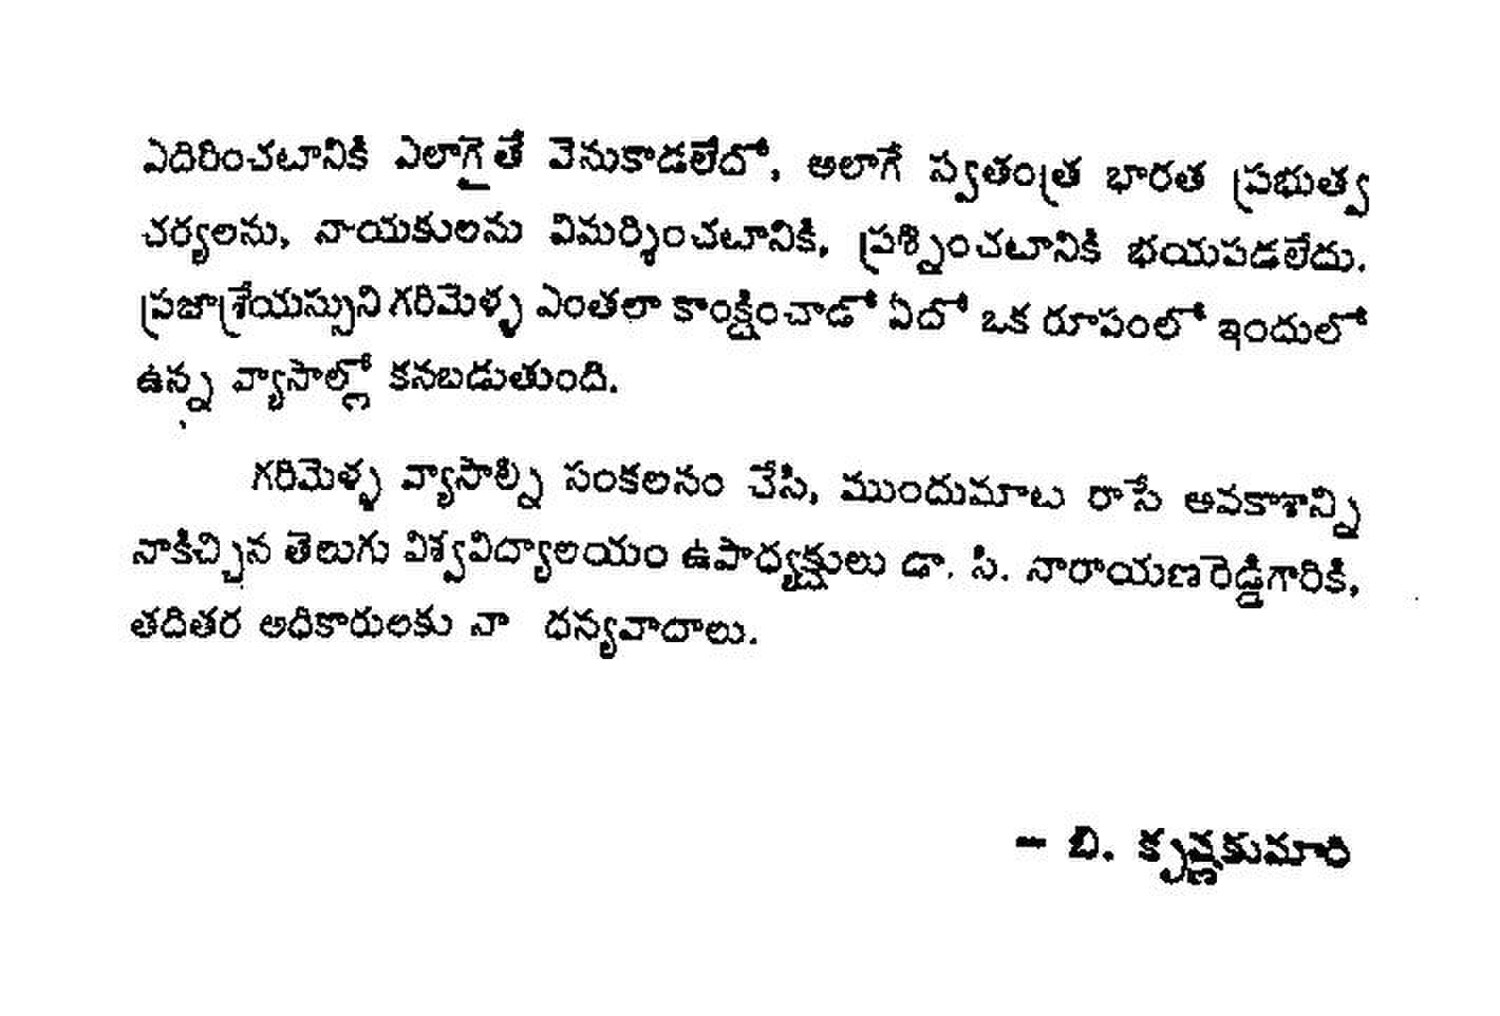ఎదిరించటానికి ఎలాగైతే వెనుకాడలేదో, అలాగే స్వతంత్ర భారత ప్రభుత్వ చర్యలను, నాయకులను విమర్శించటానికి, ప్రశ్నించటానికి భయపడలేదు. ప్రజాశ్రేయస్సుని గరిమెళ్ళ ఎంతలా కాంక్షించాడో ఏదో ఒక రూపంలో ఇందులో ఉన్న వ్యాసాల్లో కనబడుతుంది.

గరిమెళ్ళ వ్యాసాల్ని సంకలనం చేసి, ముందుమాట రాసే అవకాశాన్ని నాకిచ్చిన తెలుగు విశ్వవిద్యాలయం ఉపాధ్యక్షులు డా. సి. నారాయణరెడ్దిగారికి, తదితర అధికారులకు నా ధన్యవాదాలు.